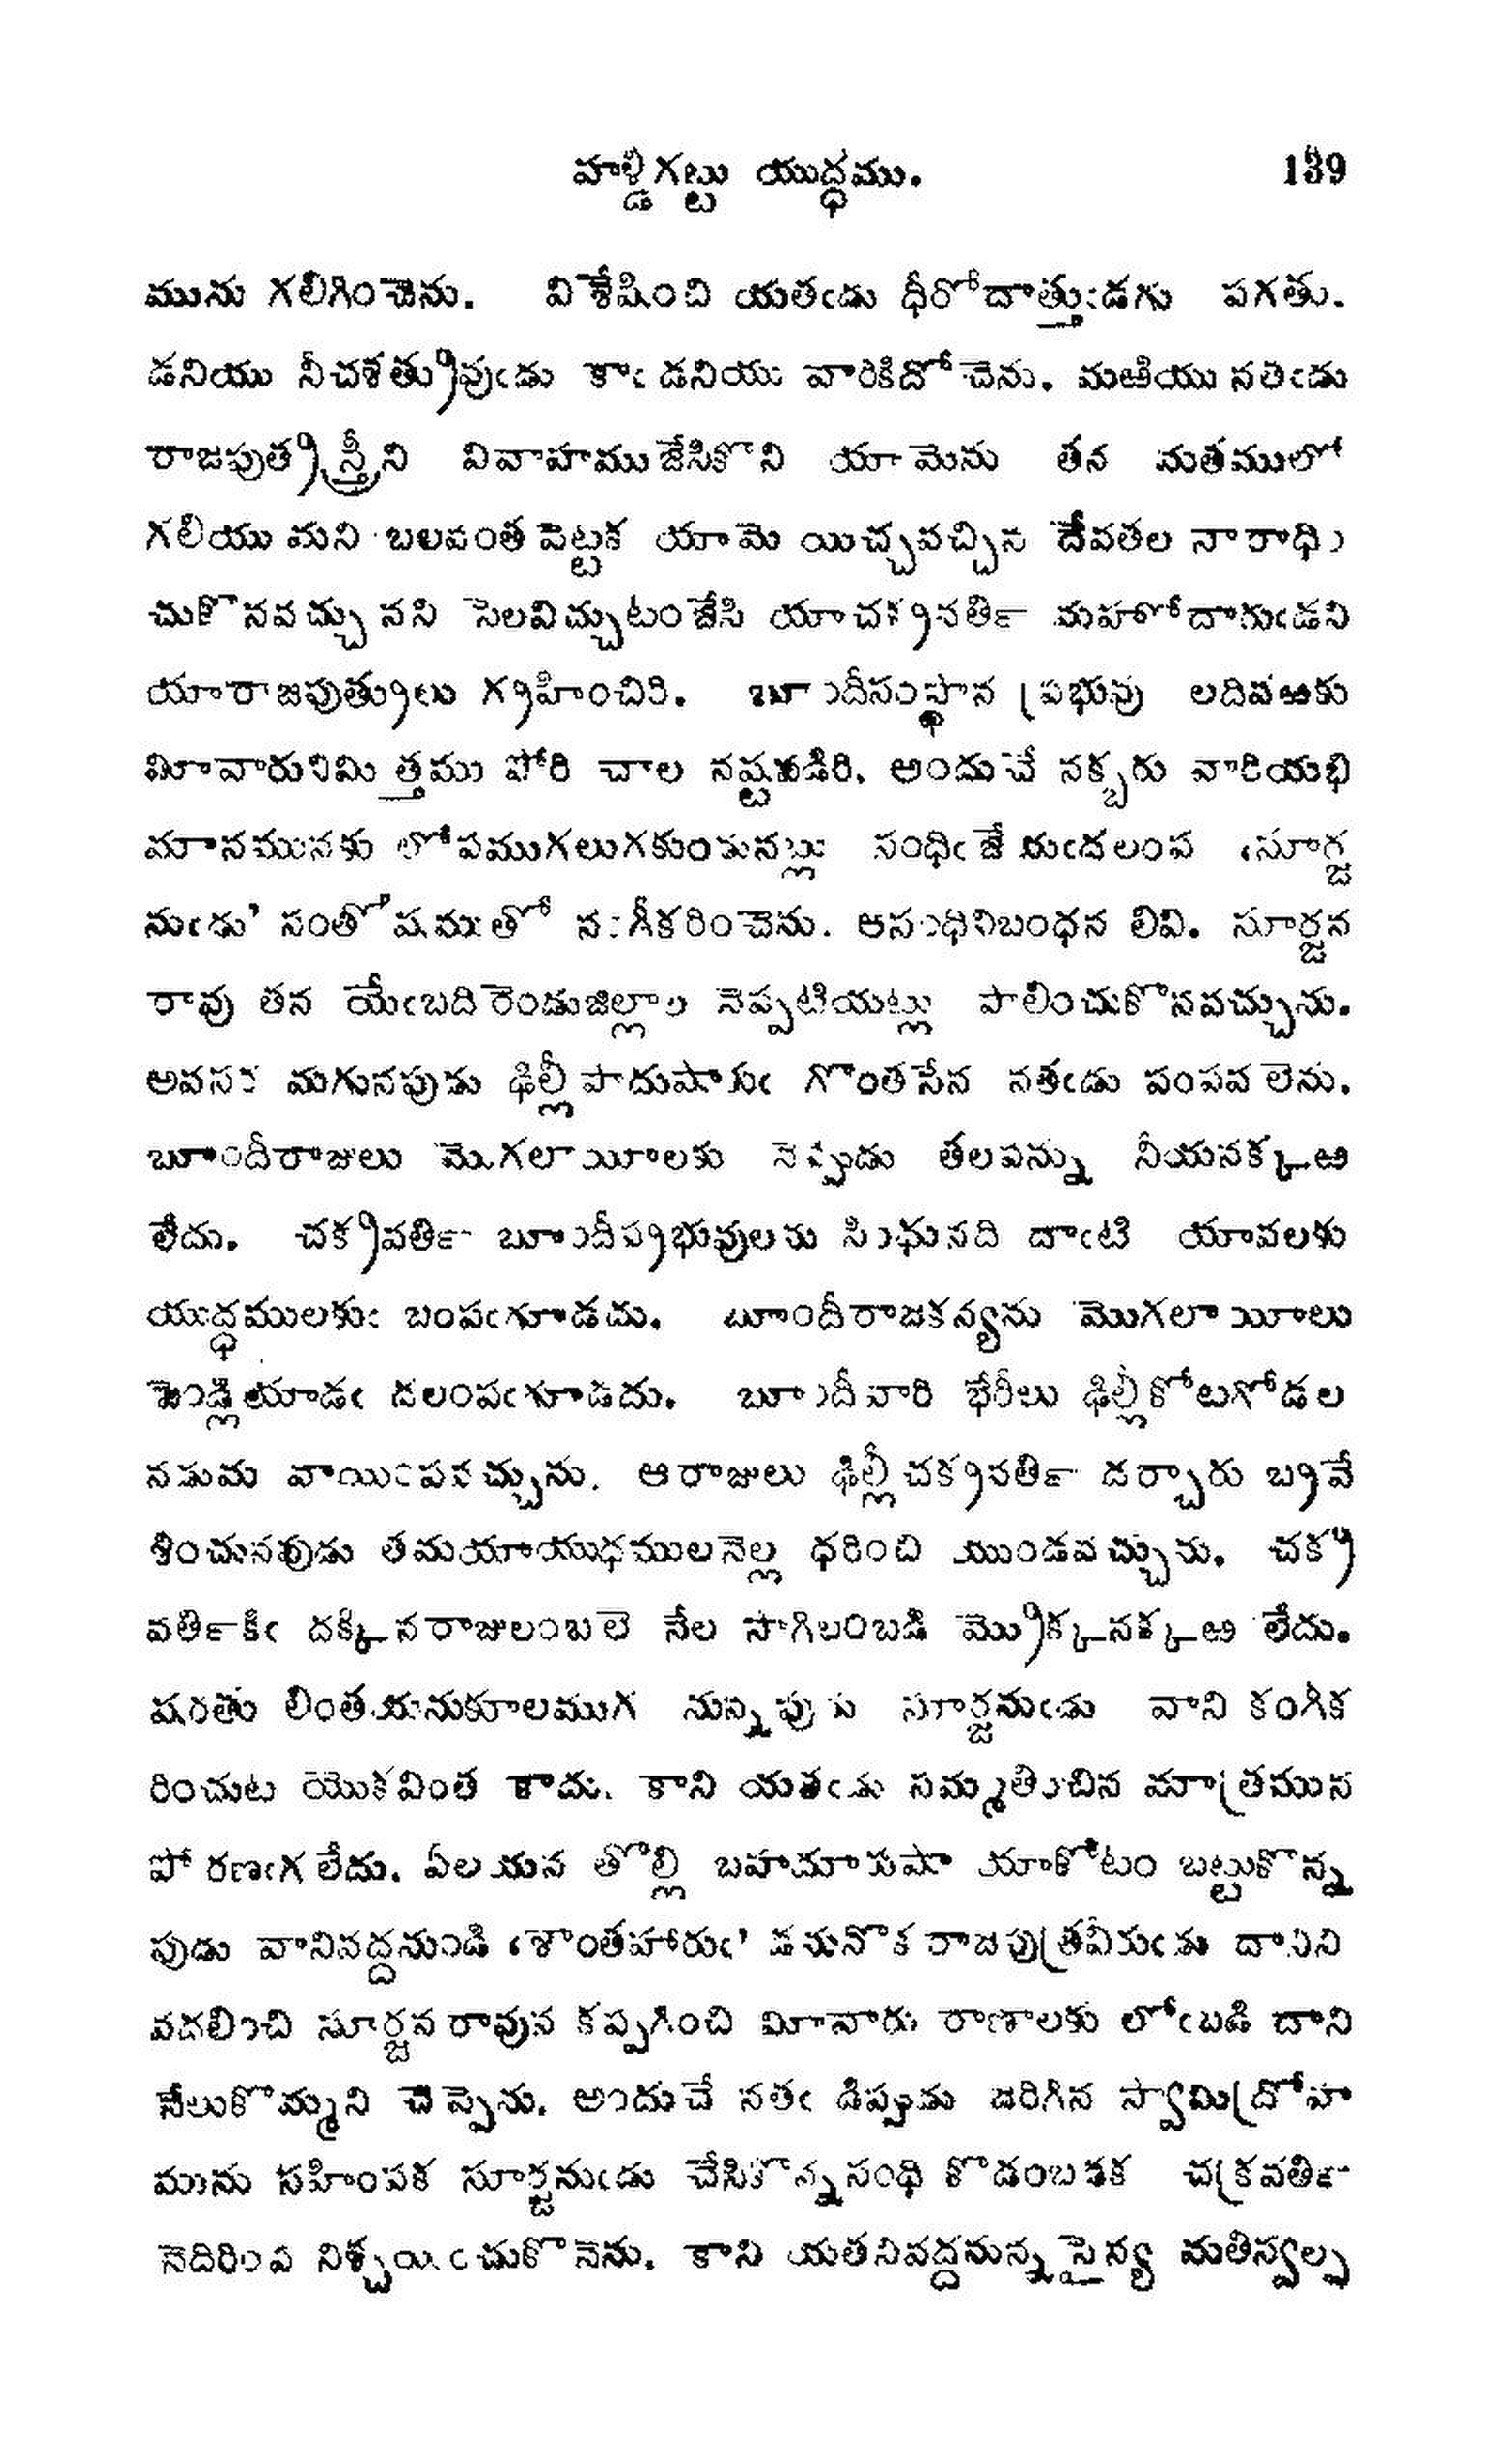మును గలిగించెను. విశేషించి యతఁడు ధీరోదాత్తుఁడగు పగతుడనియు నీచశత్రువుఁడు కాఁడనియు వారికి దోచెను. మఱియు నతఁడు
రాజపుత్రస్త్రీని వివాహము జేసికొని యామేను తన మతములో గలియు మని బలవంత పెట్టక యామె యిచ్చవచ్చిన దేవతల నారాధిం
చుకొనవచ్చు నని సెలవిచ్చుటం జేసి యాచకవతి౯ మహోదారుఁడని యా రాజపుత్రులు గ్రహించిరి. బూందీసంస్థాన ప్రభువు లదివఱకు
మీవారు నిమిత్తము పోరి చాల నష్టపడిరి, అందుచే నక్బరు వారియభిమానమునకు లోపముగలుగకుండునట్లు సంధిఁ జేయఁదలంప 'సూర్జ
నుఁడు' సంతోషముతో నంగీకరించెను. ఆసంధి నిబంధన లివి. సూర్జనరావు తన యేఁబది రెండు జిల్లాల నెప్పటియట్లు పాలించుకొనవచ్చును. అవసర మగునపుడు ఢిల్లీ పాదుషా కుఁ గొంత సేన నతఁడు పంపవలెను. బూందీ రాజులు మొగలాయిలకు నెప్పుడు తలపన్ను నీయనక్కఱ లేదు. చక్రవతి౯ బూందీ ప్రభువులను సింధునది దాఁటి యావలకు యుద్ధములకుఁ బంపఁగూడదు. బూందీ రాజకన్యను 'మొగలాయీలు పెండ్లియాడఁ దలంపఁకూడదు. బూందీ వారి భేరీలు ఢిల్లీ కోటగోడల నడుమ వాయింపవచ్చును. ఆ రాజులు ఢిల్లీ చక్రవతి౯ దర్చారు బ్రవేశించునపుడు తమ యాయుధముల నెల్ల ధరించి యుండవచ్చును. చక్రవతి౯కి దక్కిన రాజులం బలె నేల సాగిలంబడి మృక్కనక్కఱ లేదు. షరతు లింత యనుకూలముగ నున్నపుడు సూర్జునుఁడు వాని కంగీకరించుట యొక వింత కాదు. కాని యతఁడు సమ్మతించిన మాత్రమున పోరణఁగ లేదు. ఏలయన తొల్లి బహదూరుషా యాకోటం బట్టుకొన్నపుడు వానివద్దనుండి 'శాంతహారుఁ' డనునొక రాజ పుత్రవీరుఁడు దానిని వదలించి సూర్జనరావున కప్పగించి మివారు రాణాలకు లోబడి దాని నేలుకోమ్మని చెప్పెను. అందుచే నతఁ డిప్పుడు జరిగిన స్వామిద్రోహమును సహింపక సూర్జనుఁడు చేసికొన్న సంధి కొడంబడక చక్రవతి౯ నెదిరింప నిశ్చయించుకొనెను. కాని యతనివద్దనున్న సైన్య మతిస్వల్ప